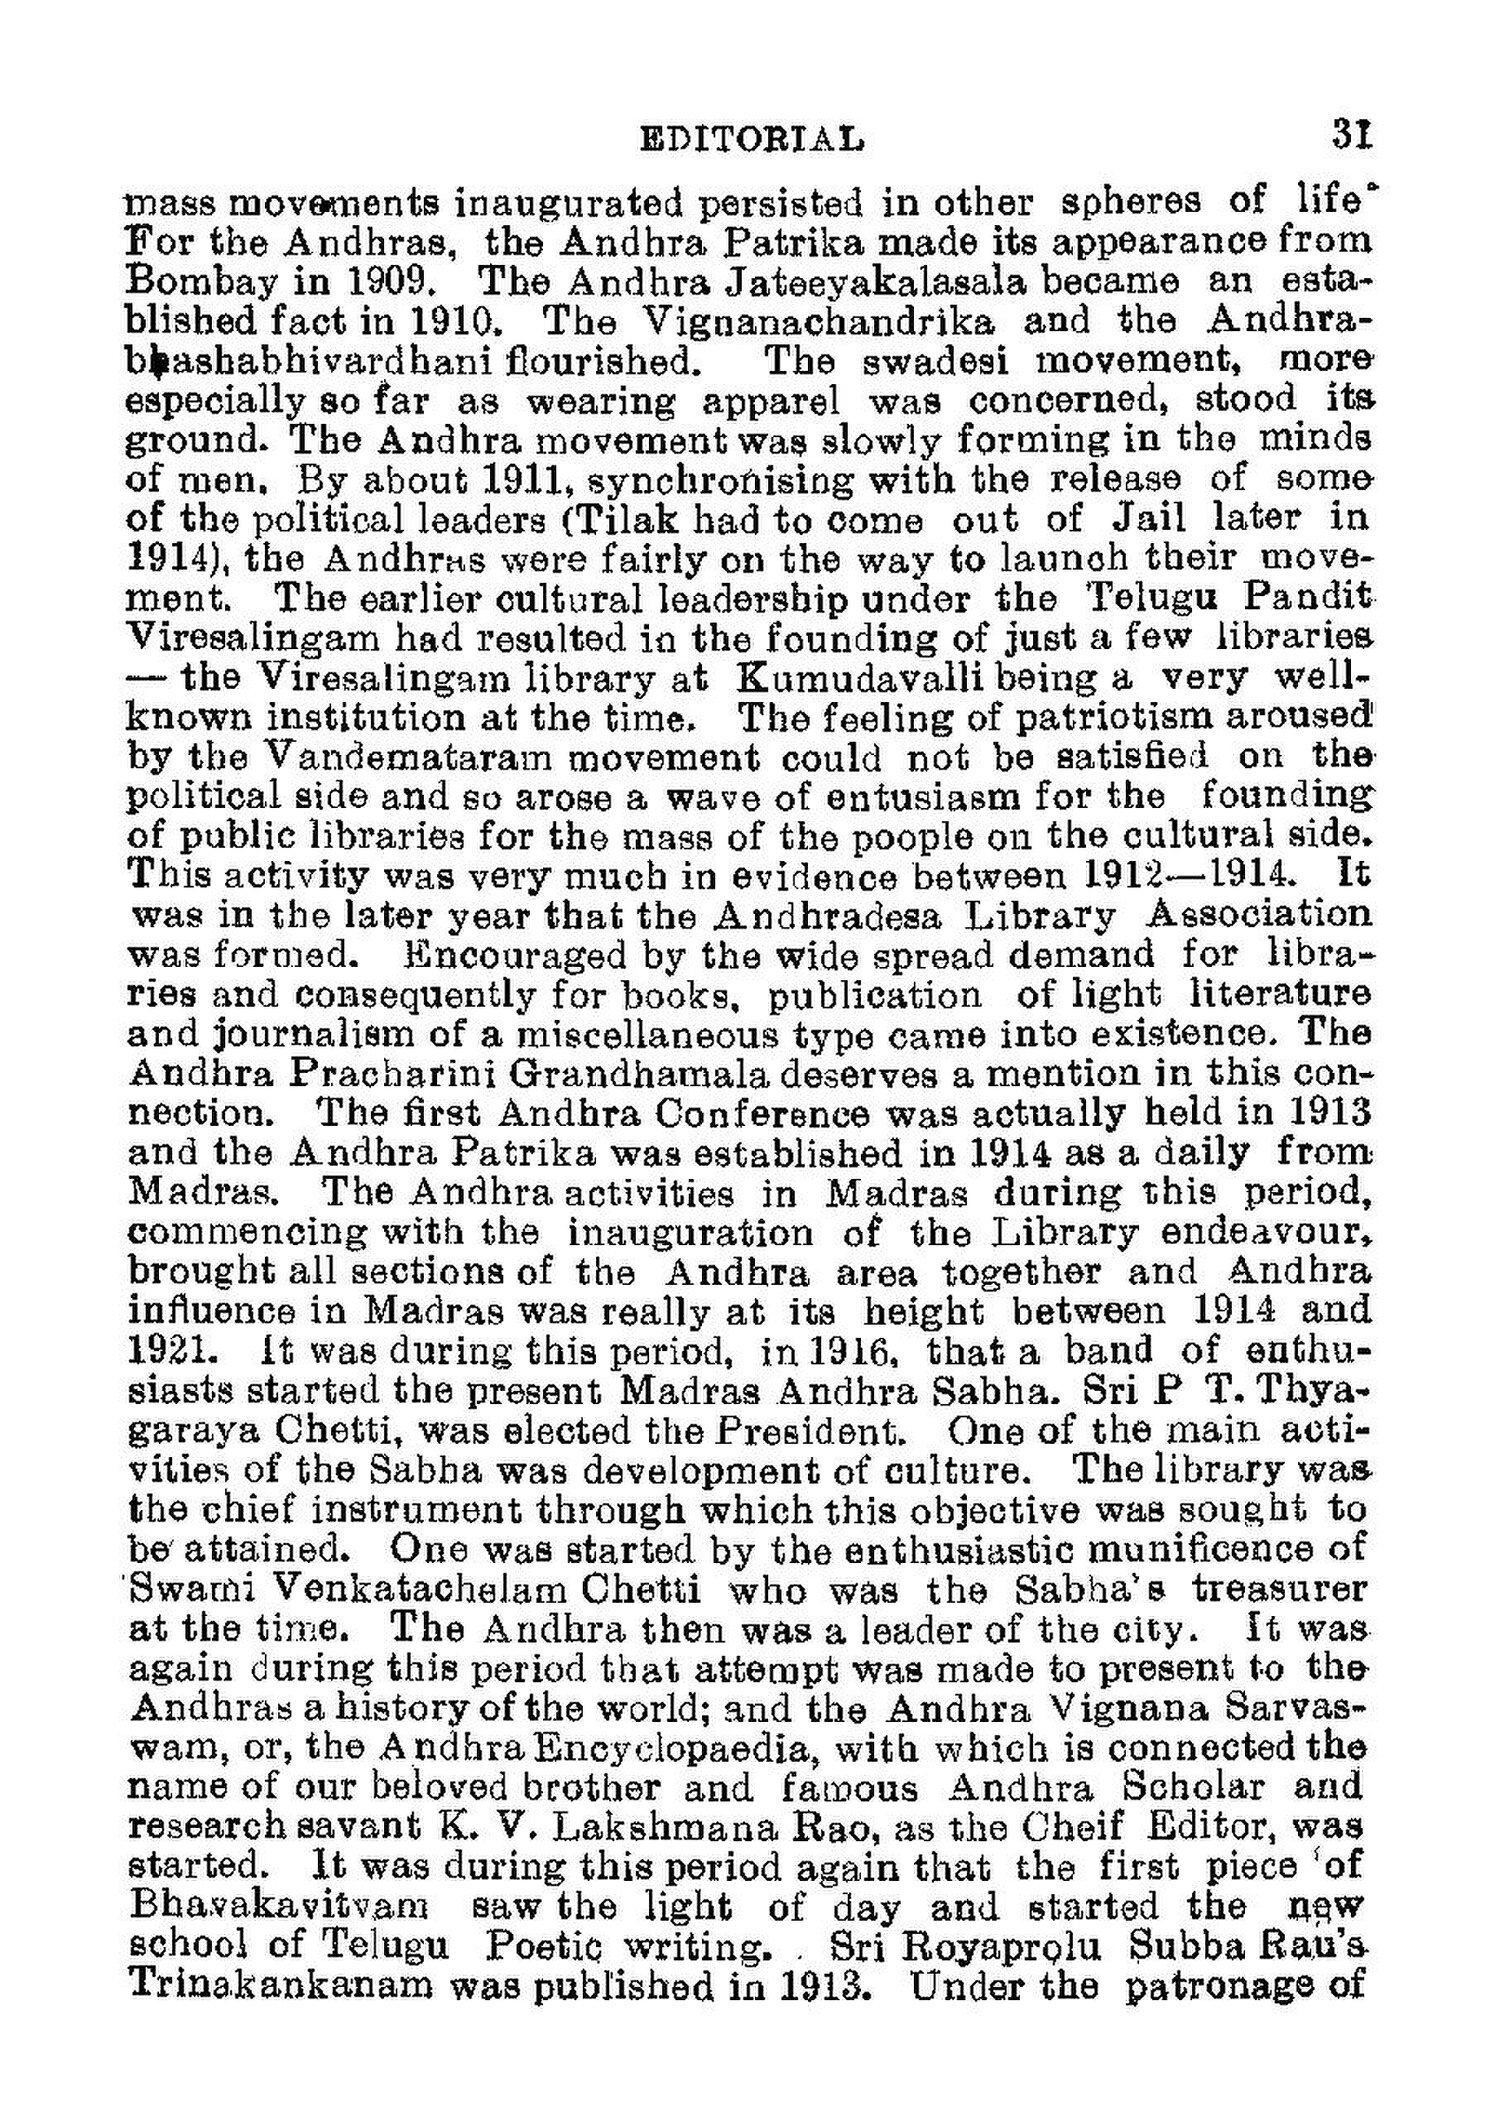mass movements inaugurated persisted in other spheres of life. For the Andhras, the Andhra Patrika made its appearance from Bombay in 1909. The Andhra Jateeyakalasala became an established fact in 1910. The Vignana 
Chandrika and the Andhrabhashabhivardhani flourished. The swadesi movement, more especially so far as wearing apparel was concerned, stood its ground. The Andhra movement was slowly forming in the minds of men. By about 
1911, synchronizing with the release of some of the political leaders (Tilak had to come out of Jail later in
1914), the Andhras were fairly on the way to launch their movement. The earlier cultural leadership under the Telugu Pandit Viresalingam had resulted in the founding of just a few libraries - the Viresalingam library at Kumudavalli being a very well known institution at the time. The feeling of patriotism aroused by the 
Vandemataram movement could not be satisfied on the political side and so arose a wave of enthusiasm for the founding of public libraries for the mass of the people on the cultural side. This activity was very much in evidence between 1912-1914. It was in the later year that the Andhradesa Library Association was formed. 
Encouraged by the wide spread demand for libraries and consequently for books, publication of light literature
and journalism of a miscellaneous type came into existence. The Andhra Pracharini Grandhamala deserves a mention
in this connection. The first Andhra Conference was actually held in 1913 and the Andhra Patrika was established 
in 1914 as a daily from Madras. The Andhra activities in Madras during this period, commencing with the inauguration of the Library endeavor, brought all sections of the Andhra area together and Andhra influence in Madras was really at its height between 1914 and 1921. It was during this period, in 1916, that a band of 
enthusiasts started the present Madras Andhra Sabha. Sri P T. Thyagaraya Chetti, was elected the President. One 
of the main activities of the Sabha was development of culture. The library was the chief instrument through 
which this objective was sought to be attained. One was started by the enthusiastic munificence of Swami Venkatachalam Chetti who was the Sabha's treasurer at the time. The Andhra then was a leader of the city.
It was again during this period that attempt was made to present to the Andhras a history of the world; and the Andhra Vignana Sarvaswam, or, the Andhra Encyclopedia, with which is connected the name of our beloved brother 
and famous Andhra Scholar and research savant K. V. Lakshmana Rao, as the Cheif Editor, was started. It was 
during this period again that the first piece of Bhavakavitvam saw the light of day and started the new school of Telugu Poetic writing. Sri Royaprolu Subba Rau's Trinakankanam was published in 1913. Under the patronage of